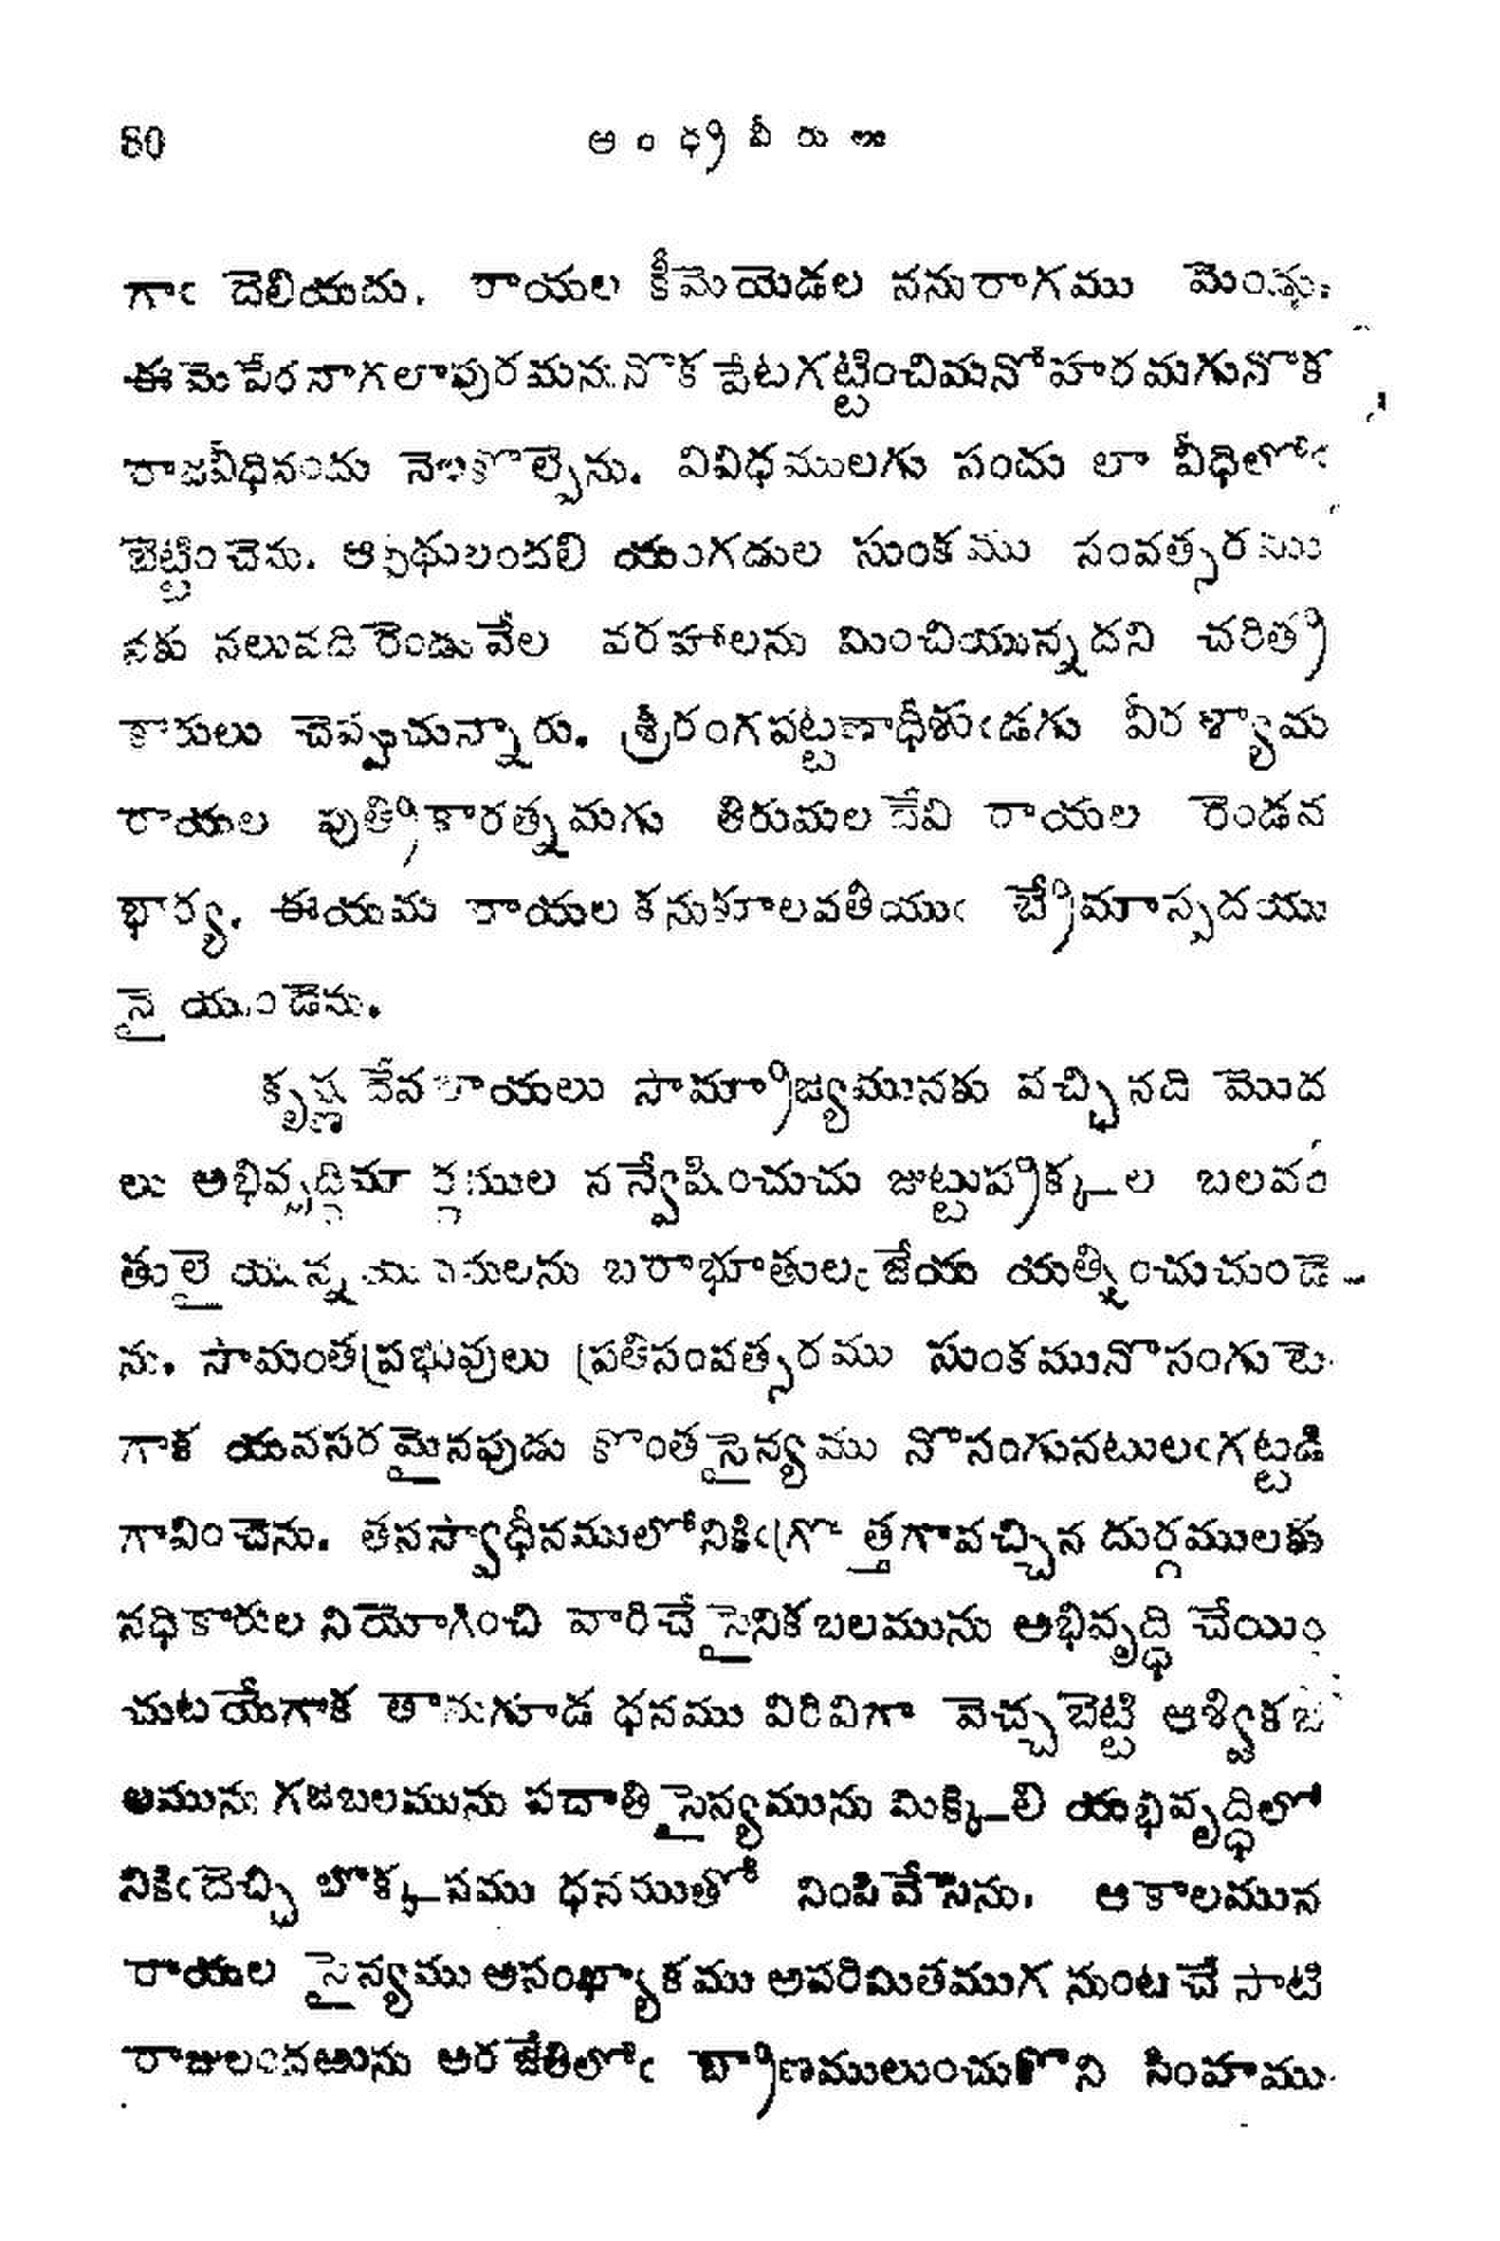గా దెలియదు. రాయల కీమెయెడల ననురాగము మెండు. ఈమెపేరనాగాలాపురమను నొక పేట గట్టించి మనోహరమగునొక రాజవీధినందు నెలకొల్పెను. వివిధములగు సందు లా వీధిలో బెట్టించెను. ఆవీథులందలి యంగడుల సుంకము సంవత్సరమునకు నలువదిరెండువేల వరహాలను మించియున్నదని చరిత్రకారులు చెప్పుచున్నారు. శ్రీరంగపట్టణాధీశుడగు వీరశ్యామరాయల పుత్రికారత్నమగు తిరుమలదేవి రాయల రెండవ భార్య. ఈయమ రాయల కనుకూలవతియు బ్రేమాస్పదయు నై యుండెను.

కృష్ణదేవరాయలు సామ్రాజ్యమునకు వచ్చినది మొదలు అభివృద్ధిమార్గముల నన్వేషించుచు జుట్టుప్రక్కల బలవంతులై యున్న యవనులను బరాభూతుల జేయ యత్నించుచుండెను. సామంతప్రభువులు ప్రతిసంవత్సరము సుంకమునొసంగుటె గాక యవసరమైనపుడు కొంతసైన్యము నొసంగునటుల గట్టడిగావించెను. తనస్వాధీనములోనికి గ్రొత్తగావచ్చిన దుర్గములకు నధికారుల నియోగించి వారిచే సైనికబలమును అభివృద్ధి చేయించుటయేగాక తానుగూడ ధనము విరివిగా వెచ్చబెట్టి ఆశ్వికబలమును గజబలమును పదాతిసైన్యమును మిక్కిలి యభివృద్ధిలోనికి దెచ్చి బొక్కసము ధనముతో నింపివేసెను. ఆకాలమున రాయల సైన్యము అసంఖ్యాకము అపరిమితముగ నుంటచే సాటి రాజులందఱును అరజేతిలో బ్రాణములుంచుకొని సింహము